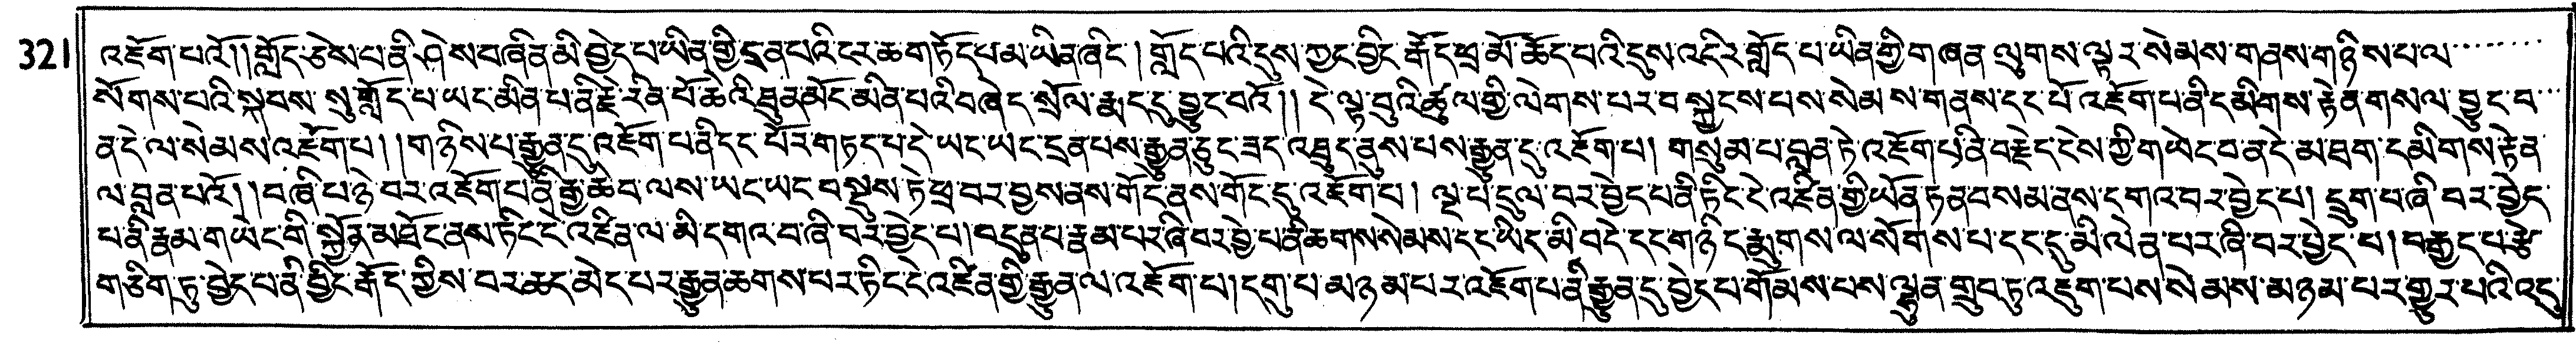འཇོག་པའོ། །གློད་ཅེས་པ་ནི་ཤེས་བཞིན་མི་བྱེད་པ་ཡིན་གྱི་དྲན་པའི་ངར་ཆ་གཏོད་པ་མ་ཡིན་ཞིང་། གློད་པའི་དུས་ཀྱང་བྱིང་རྒོད་ཕྲ་མོ་ཆོད་པའི་དུས་འདིར་གློད་པ་ཡིན་གྱི་གཞན་ལུགས་ལྟར་སེམས་གནས་གཉིས་པ་ལ་
སོགས་པའི་སྐབས་སུ་གློད་པ་ཡང་མིན་པ་ནི་རྗེ་རིན་པོ་ཆེའི་ཐུན་མོང་མིན་པའི་བཞེད་སྲོལ་རྨད་དུ་བྱུང་བའོ། །དེ་ལྟ་བུའི་ཚུལ་གྱི་ལེགས་པར་བསྐྱངས་པས་སེམས་གནས་དང་པོ་འཇོག་པ་ནི་དམིགས་རྟེན་གསལ་བྱུང་བ་
ན་དེ་ལ་སེམས་འཇོག་པ། །གཉིས་པ་རྒྱུན་དུ་འཇོག་པ་ནི་དང་པོར་གཏད་པ་དེ་ཡང་ཡང་དྲན་པས་རྒྱུན་ཅུང་ཟད་འཐུད་ནུས་པས་རྒྱུན་དུ་འཇོག་པ། གསུམ་པ་བླན་ཏེ་འཇོག་པ་ནི་བརྗེད་ངེས་ཀྱི་གཡེང་བ་ན་དེ་མ་ཐག་དམིགས་རྟེན་
ལ་བླན་པའོ། །བཞི་པ་ཉེ་བར་འཇོག་པ་ནི་རྒྱ་ཆེ་བ་ལས་ཡང་ཡང་བསྡུས་ཏེ་ཕྲ་བར་བྱས་ནས་གོང་ནས་གོང་དུ་འཇོག་པ། ལྔ་པ་དུལ་བར་བྱེད་པ་ནི་ཏིང་ངེ་འཛིན་གྱི་ཡོན་ཏན་བསམ་ནས་དགའ་བར་བྱེད་པ། དྲུག་པ་ཞི་བར་བྱེད་
པ་ནི་རྣམ་གཡེང་གི་སྐྱོན་མཐོང་ནས་ཏིང་ངེ་འཛིན་ལ་མི་དགའ་བ་ཞི་བར་བྱེད་པ། བདུན་པ་རྣམ་པར་ཞི་བར་བྱེ་པ་ནི་ཆགས་སེམས་དང་ཡིད་མི་བདེ་དང་གཉིད་རྨུགས་ལ་སོགས་པ་དང་དུ་མི་ལེན་པར་ཞི་བར་བྱེད་པ། བརྒྱད་པ་རྩེ་
གཅིག་ཏུ་བྱེད་པ་ནི་བྱིང་རྒོད་ཀྱིས་བར་ཆད་མེད་པར་རྒྱུན་ཆགས་པར་ཏིང་ངེ་འཛིན་གྱི་རྒྱུན་ལ་འཇོག་པ། དགུ་པ་མཉམ་པར་འཇོག་པ་ནི་རྒྱུན་དུ་བྱེད་པ་གོམས་པས་ལྷུན་གྲུབ་ཏུ་འཇུག་པས་སེམས་མཉམ་པར་གྱུར་པའི་འདུ་